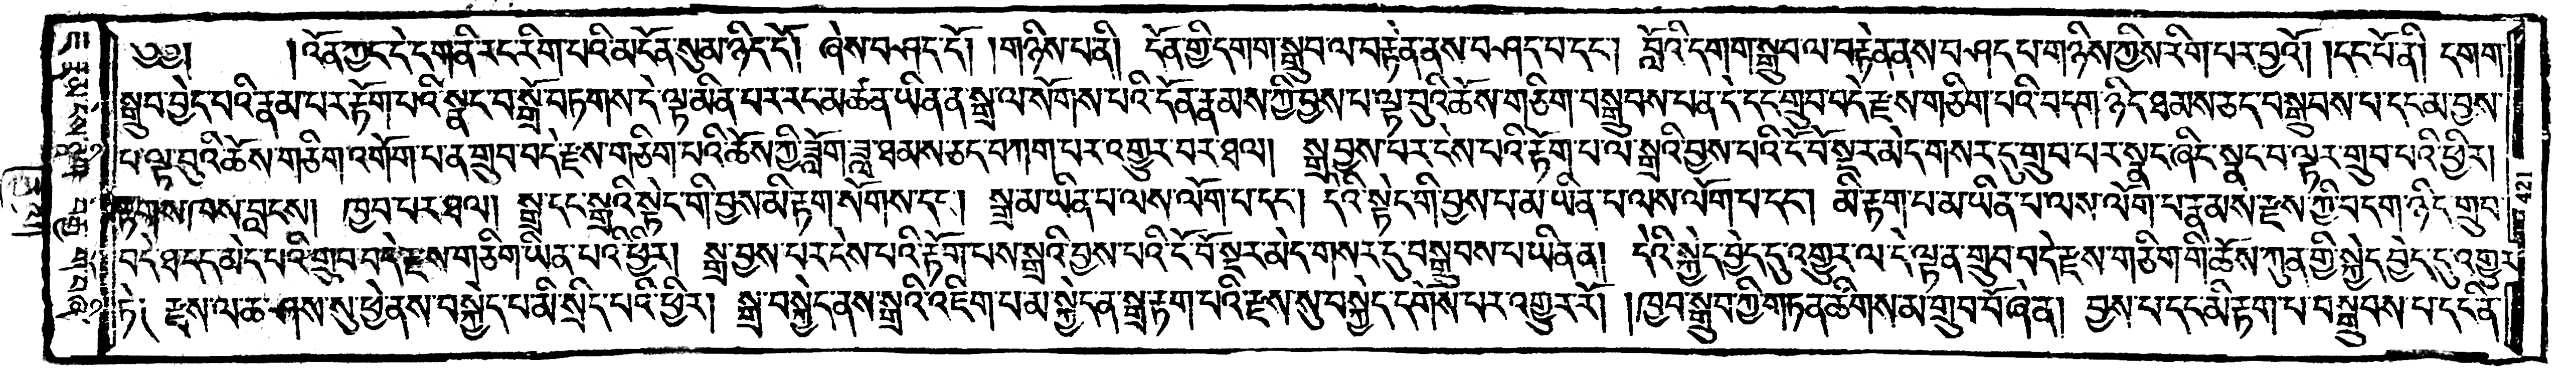༄༅། །འོན་ཀྱང་དེ་དག་ནི་རང་རིག་པའི་མངོན་སུམ་ཉིད་དོ། ཞེས་བཤད་དོ། །གཉིས་པ་ནི། དོན་གྱི་དགག་སྒྲུབ་ལ་བརྟེན་ནས་བཤད་པ་དང་། བློའི་དགག་སྒྲུབ་ལ་བརྟེན་ནས་བཤད་པ་གཉིས་ཀྱིས་རིག་པར་བྱའོ། །དང་པོ་ནི། དགག་
སྒྲུབ་བྱེད་པའི་རྣམ་པར་རྟོག་པའི་སྣང་བ་སྒྲོ་བཏགས་དེ་ལྟ་མིན་པར་རང་མཚན་ཡིན་ན་སྒྲ་ལ་སོགས་པའི་དོན་རྣམས་ཀྱི་བྱས་པ་ལྟ་བུའི་ཆོས་གཅིག་བསྒྲུབས་པ་ན་དེ་དང་གྲུབ་བདེ་རྫས་གཅིག་པའི་བདག་ཉིད་ཐམས་ཅད་བསྒྲུབ་པ་དང་མ་བྱས་
པ་ལྟ་བུའི་ཆོས་གཅིག་འགོག་པ་ན་གྲུབ་བདེ་རྫས་གཅིག་པའི་ཆོས་ཀྱི་ཟློག་ཟླ་ཐམས་ཅད་བཀག་པར་འགྱུར་བར་ཐལ། སྒྲ་བྱས་པར་ངེས་པའི་རྟོག་པ་ལ་སྒྲའི་བྱས་པའི་ངོ་བོ་སྔར་མེད་གསར་དུ་གྲུབ་པར་སྣང་ཞིང་སྣང་བ་ལྟར་གྲུབ་པའི་ཕྱིར།
རྟགས་ཁས་བླངས། ཁྱབ་པར་ཐལ། སྒྲ་དང་སྒྲའི་སྟེང་གི་བྱས་མི་རྟག་སོགས་དང་། སྒྲ་མ་ཡིན་པ་ལས་ལོག་པ་དང་། དེའི་སྟེང་གི་བྱས་པ་མ་ཡིན་པ་ལས་ལོག་པ་དང་། མི་རྟག་པ་མ་ཡིན་པ་ལས་ལོག་པ་རྣམས་རྫས་ཀྱི་བདག་ཉིད་གྲུབ་
བདེ་ཐ་དད་མེད་པའི་གྲུབ་བདེ་རྫས་གཅིག་ཡིན་པའི་ཕྱིར། སྒྲ་བྱས་པར་ངེས་པའི་རྟོག་པས་སྒྲའི་བྱས་པའི་ངོ་བོ་སྔར་མེད་གསར་དུ་བསྒྲུབས་པ་ཡིན་ན། དེའི་སྐྱེད་བྱེད་དུ་འགྱུར་ལ་དེ་ལྟ་ན་གྲུབ་བདེ་རྫས་གཅིག་གི་ཆོས་ཀུན་གྱི་སྐྱེད་བྱེད་དུ་འགྱུར་
ཏེ། རྫས་ལ་ཆ་ཤས་སུ་ཕྱེ་ནས་བསྐྱེད་པ་མི་སྲིད་པའི་ཕྱིར། སྒྲ་བསྐྱེད་ནས་སྒྲའི་འཇིག་པ་མ་སྐྱེད་ན་སྒྲ་རྟག་པའི་རྫས་སུ་བསྐྱེད་དགོས་པར་འགྱུར་རོ། །ཁྱབ་སྒྲུབ་ཀྱི་གཏན་ཚིགས་མ་གྲུབ་བོ་ཞེ་ན། བྱས་པ་དང་མི་རྟག་པ་བསྒྲུབས་པ་དང་ནི་